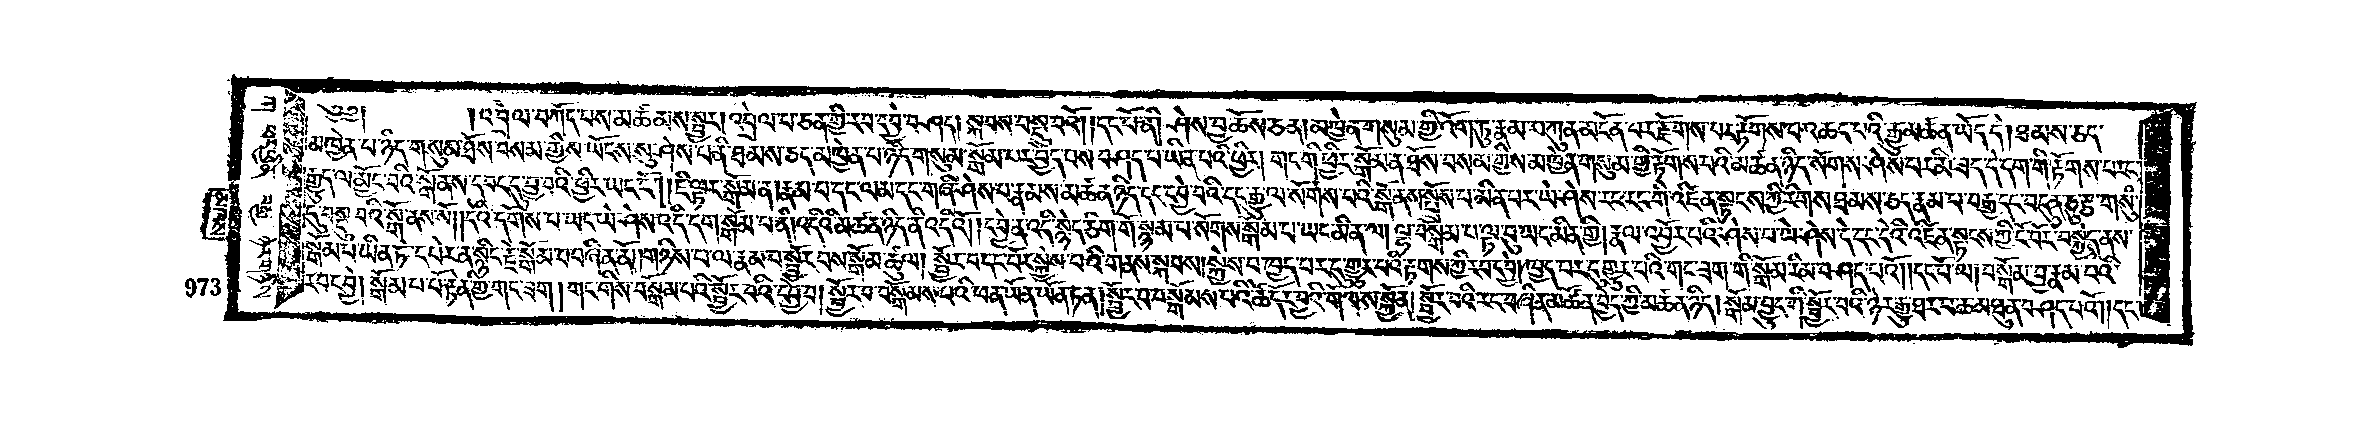༄༅། །འབྲེལ་བཀོད་པས་མཚམས་སྦྱར། འབྲེལ་པ་ཅན་གྱི་རབ་དབྱེ་བཤད། སྐབས་བསྡུ་བའོ། །དང་པོ་ནི། ཤེས་བྱ་ཆོས་ཅན། མཁྱེན་གསུམ་གྱི་འོག་ཏུ་རྣམ་པ་ཀུན་མངོན་པར་རྫོགས་པར་རྟོགས་པ་འཆད་པའི་རྒྱུ་མཚན་ཡོད་དེ། ཐམས་ཅད་
མཁྱེན་པ་ཉིད་གསུམ་ཐོས་བསམ་གྱིས་ཡོངས་སུ་ཤེས་པ་ནི་ཐམས་ཅད་མཁྱེན་པ་ཉིད་གསུམ་སྒོམ་པར་བྱེད་པས་བཤད་པ་ཡིན་པའི་ཕྱིར། གང་གི་ཕྱིར་སྒོམ་ན་ཐོས་བསམ་གྱིས་མཁྱེན་གསུམ་གྱི་རྟོགས་པའི་མཚན་ཉིད་སོགས་ཤེས་པར་མི་ཟད་དེ་དག་གི་རྟོགས་པ་རང་
རྒྱུད་ལ་མྱོང་བའི་སྒོ་ནས་དབང་དུ་བྱ་བའི་ཕྱིར་ཡང་ངོ། །ཇི་ལྟར་སྒོམ་ན། རྣམ་པ་དང་ལམ་དང་གཞི་ཤེས་པ་རྣམས་མཚན་ཉིད་དང་དབྱེ་བའི་དང་རྒྱུ་ལ་སོགས་པའི་སྒོ་ནས་སྤྲོས་པ་མིན་པར་ཡེ་ཤེས་རང་རང་གི་འཛིན་སྟངས་ཀྱི་རིགས་ཐམས་ཅད་རྣམ་པ་བརྒྱ་དང་བདུན་ཅུ་རྩ་གསུམ་
དུ་བསྡུ་བའི་སྒོ་ནས་སོ། །དེའི་དགོས་པ་ཡང་ཡེ་ཤེས་འདི་དག་སྒོམ་པ་ནི། འདིའི་མཚན་ཉིད་ནི་འདིའོ། །དབྱེ་ན་འདི་སྙེད་ཅིག་གོ་སྙམ་པ་སོགས་སྒོམ་པ་ཡང་མིན་ལ། ལྷ་བསྒོམ་པ་ལྟ་བུ་ཡང་མིན་གྱི། རྣལ་འབྱོར་པའི་ཤེས་པ་ཡེ་ཤེས་དེ་དང་དེའི་འཛིན་སྟངས་ཀྱི་ངོ་བོར་བསྐྱེད་ནས་
སྒོམ་པ་ཡིན་ཏེ་དཔེར་ན་སྙིང་རྗེ་སྒོམ་པ་བཞིན་ནོ། །གཉིས་པ་ལ་རྣམ་པ་སྦྱོར་བས་སྒོམ་ཚུལ། སྦྱོར་བ་དང་པོར་སྐྱེས་པའི་གནས་སྐབས། སྐྱེས་བ་ཁྱད་པར་དུ་གྱུར་པའི་རྟགས་ཀྱི་རབ་དབྱེ། ཁྱད་པར་དུ་གྱུར་པའི་གང་ཟག་གི་སྒོམ་རིམ་བཤད་པའོ། །དང་པོ་ལ། བསྒོམ་བྱ་རྣམ་པའི་
རབ་དབྱེ། སྒོམ་པ་པོ་རྟེན་གྱི་གང་ཟག །གང་གིས་བསྒོམ་པའི་སྦྱོར་བའི་དབྱེ་བ། སྦྱོར་བ་བསྒོམས་པའི་ཕན་ཡོན་ཡོན་ཏན། སྦྱོར་བ་བསྒོམས་པའི་ཚེ་དོར་བྱའི་གོལ་ས་སྐྱོན། སྦྱོར་བའི་རང་བཞིན་མཚོན་བྱེད་ཀྱི་མཚན་ཉིད། སྒོམ་བྱུང་གི་སྦྱོར་བའི་ཉེར་རྒྱུ་ཐར་པ་ཆ་མཐུན་བཤད་པའོ། །དང་